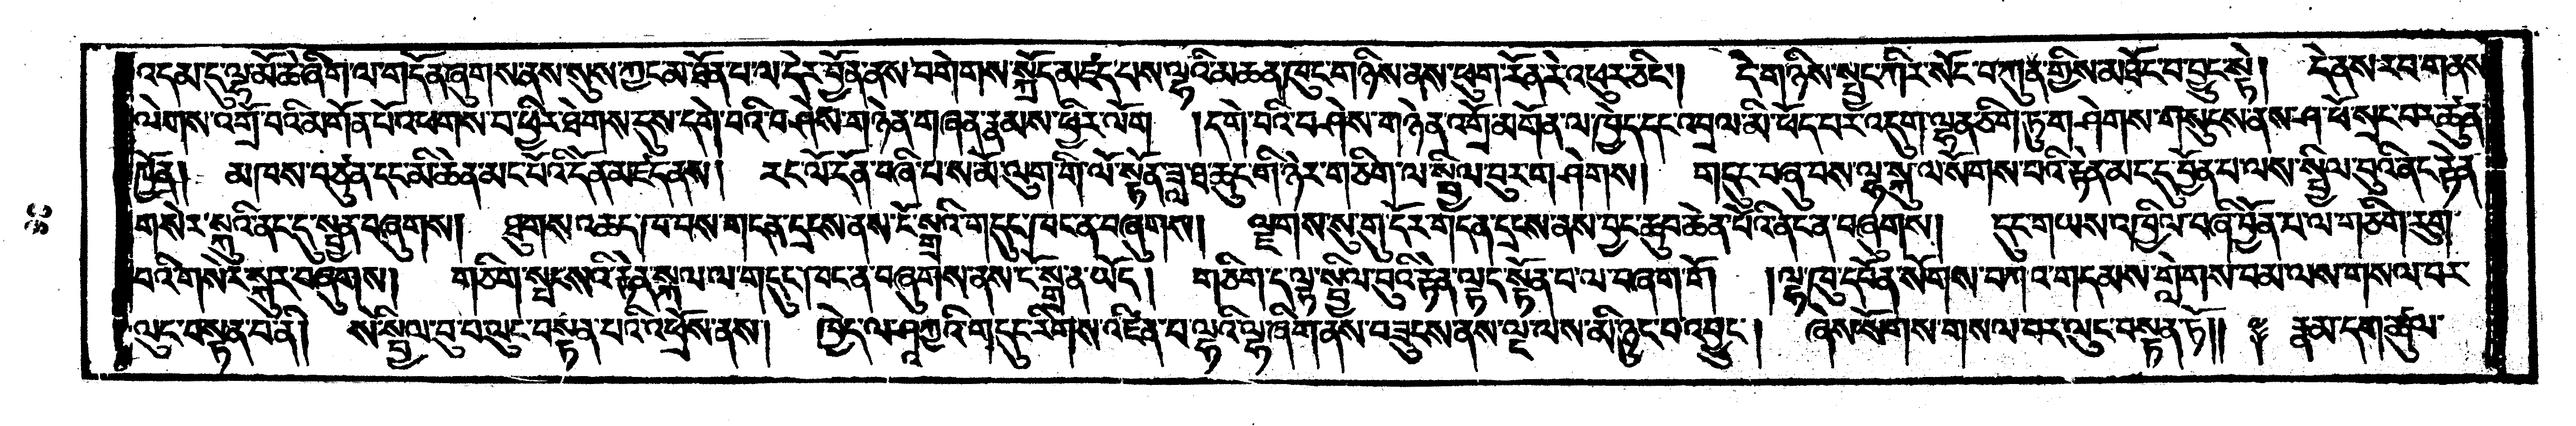འདམ་དུ་ལྷ་མོ་ཆེ་ཞིག་ལ་གདོན་ཞུགས་ནས་སུས་ཀྱང་མ་ཐོན་པ་ལ་དེར་བྱོན་ནས་བགེགས་སྐྲོད་མཛད་པས་ལྷའི་མཆན་ཁུང་གཉིས་ནས་ཕུག་རོན་རེ་འཕུར་ཅིང་། དེ་གཉིས་སྤྱང་ཀིར་སོང་བ་ཀུན་གྱིས་མཐོང་བ་བྱུང་སྟེ། དེ་ནས་རབ་གནས་
ལེགས་འགྲོ་བའི་མགོན་པོ་འཕགས་པ་ཕྱིར་ཐེགས་དུས་དགེ་བའི་བཤེས་གཉེན་གཞན་རྣམས་ཕྱིར་ལོག །དགེ་བའི་བཤེས་གཉེན་འགྲོ་མགོན་ལ་ཁྱེད་དང་འབྲལ་མི་ཕོད་པར་འདུག་ལྷན་ཅིག་ཏུ་གཤེགས་གསུངས་ནས་ཤ་ཕོ་སྲང་བར་ཚུན་
ཁྱོན། མཁས་བཙུན་དང་མི་ཆེན་མང་པོའི་དོན་མཛད་ནས། རང་ལོ་དོན་བཞི་པ་ས་མོ་ལུག་གི་ལོ་སྟོན་ཟླ་ཐ་ཆུང་གི་ཉེར་གཅིག་ལ་སྤྱིལ་བུར་གཤེགས། གདུང་བཞུ་བས་ལྷ་སྐུ་ལ་སོགས་པའི་རྟེན་མང་དུ་བྱོན་པ་ལས་སྤྱིལ་བུའི་ནང་རྟེན་
གསེར་སྐུའི་ནང་དུ་སྤྱན་བཞུགས། ཐུགས་འཆད་ཁ་བས་གདན་དྲངས་ནས་ངོ་སྒྲའི་གདུང་ཁང་ན་བཞུགས། ལྗགས་སུ་གུ་དོར་གདན་དྲངས་ནས་བྱང་ཆུབ་ཆེན་པོའི་ནང་ན་བཞུགས། དུང་གཡས་འཁྱིལ་བཞི་བྱོན་པ་ལ་གཅིག་རུག་
བའི་གསེར་སྐུར་བཞུགས། གཅིག་སྤང་སའི་རྟེན་སྐལ་ལ་གདུང་ཁང་ན་བཞུགས་ནས་ངོ་སྒྲ་ན་ཡོད། གཅིག་ད་ལྟ་སྤྱིལ་བུའི་རྟེན་ལྟད་སྟོན་པ་ལ་བཞག་གོ །ལྷ་ཁུ་དཔོན་སོགས་བཀའ་གདམས་གླེགས་བམ་ལས་གསལ་བར་
ལུང་བསྟན་པ་ནི། སེ་སྦྱིལ་བུ་པ་ལུང་བསྟན་པའི་འཕྲོས་ནས། ཁྱེད་ལ་ཤཱཀྱའི་གདུང་རིགས་འཛིན་པ་ལྷའི་ལྷ་ཞིག་ནས་བཟུངས་ནས་ལྔ་ལས་མི་ཉུང་བའི་འབྱུང་། ཞེས་སོགས་གསལ་བར་ལུང་བསྟོན་ཏོ།། ༈ རྣམ་དག་ཚུལ་